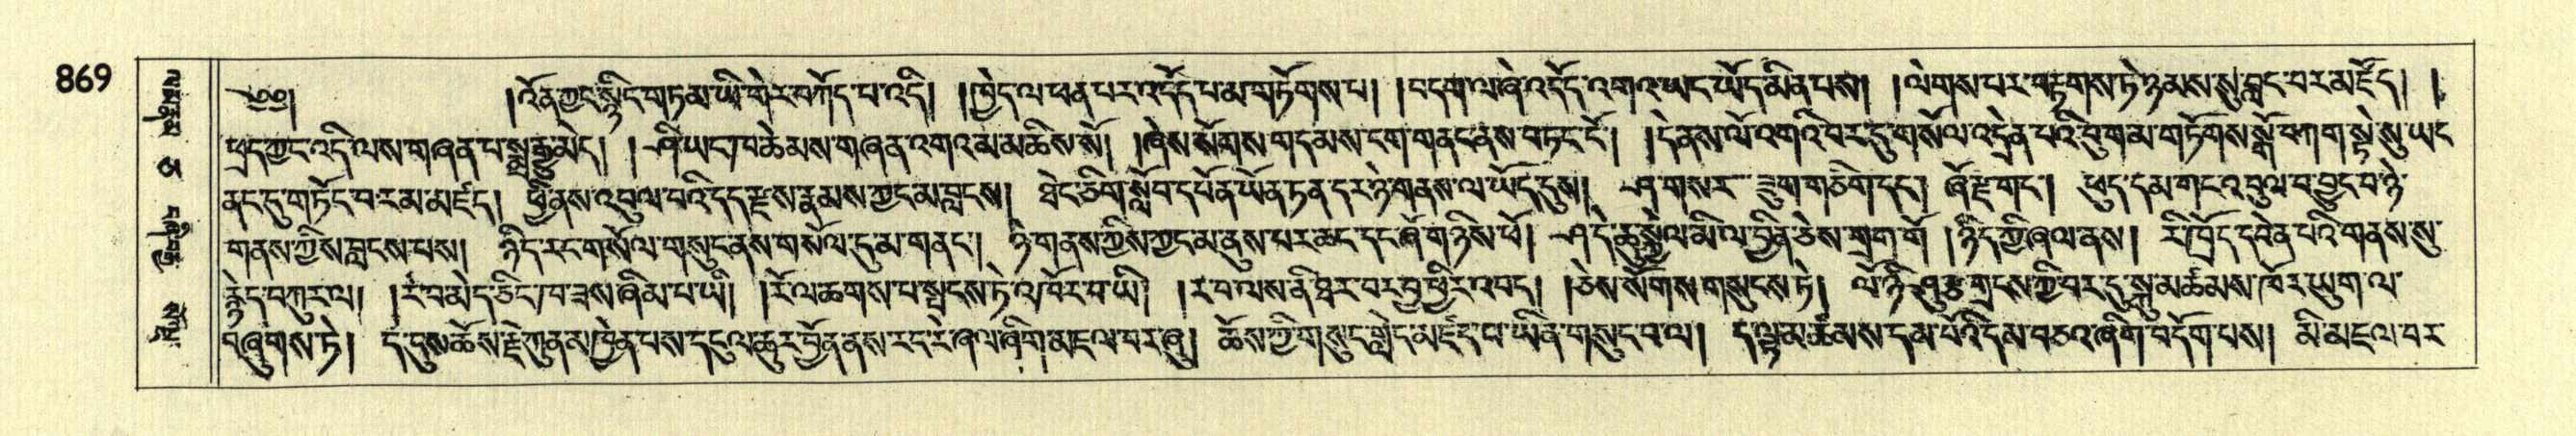༄༅། །འོན་ཀྱང་སྙིང་གཏམ་ཡི་གེར་བཀོད་པ་འདི། །ཁྱེད་ལ་ཕན་པར་འདོད་པ་མ་གཏོགས་པ། །བདག་ལ་ཞེ་འདོད་འགའ་ཡང་ཡོད་མིན་པས། །ལེགས་པར་བརྟགས་ཏེ་ཉམས་སུ་བླང་བར་མཛོད། །
ཕྲད་ཀྱང་འདི་ལས་གཞན་པ་སྨྲ་རྒྱུ་མེད། །ཤི་ཡང་ཁ་ཆེམས་གཞན་འགའ་མ་མཆིས་སོ། །ཞེས་སོགས་གདམས་ངག་གནང་ནས་བཏང་ངོ། །དེ་ནས་ལོ་འགའི་བར་དུ་གསོལ་འདྲེན་པའི་བུག་མ་གཏོགས་སྒོ་བཀག་སྟེ་སུ་ཡང་
ནང་དུ་གཏོང་བར་མ་མཛད། ཕྱི་ནས་འབུལ་བའི་དད་རྫས་རྣམས་ཀྱང་མ་བླངས། ཐེང་ཅིག་སློབ་དཔོན་ཡོན་ཏན་དར་ཉེ་གནས་ལ་ཡོད་དུས། ཤ་གསར་ཟུག་གཅིག་དང་། ཞོ་རྫ་གང་། ཕུད་དམ་གང་འབུལ་བ་བྱུང་བ་ཉེ་
གནས་ཀྱིས་བླངས་པས། ཉིད་རང་གསོལ་གསུང་ནས་གསོལ་དུ་མ་གནང་། ཉི་གནས་ཀྱིས་ཀྱང་མ་ནུས་པར་ཆད་དང་ཞོ་གཉིས་ཕོ། ཤ་དེ་ཆུ་སྐྱེལ་མི་ལ་བྱིན་ཅེས་གྲག་གོ །ཉིད་ཀྱི་ཞལ་ནས། རི་ཁྲོད་དབེན་པའི་གནས་སུ་
རྙེད་བཀུར་ལ། །རེ་བ་མེད་ཅིང་ཁ་ཟས་ཞིམ་པ་ཡི། །རོ་ལ་ཆགས་པ་སྤངས་ཏེ་འཁོར་བ་ཡི། །ར་བ་ལས་ནི་ཐར་བར་བྱ་ཕྱིར་འབད། །ཅེས་སོགས་གསུངས་ཏེ། ལོ་ཉི་ཤུ་རྩ་གྲངས་ཀྱི་བར་དུ་སྐུ་མཚམས་ཁོར་ཡུག་ལ་
བཞུགས་ཏེ། ད་དུས་ཆོས་རྗེ་ཀུན་མཁྱེན་པས་དངུལ་ཆུར་བྱོན་ནས་རང་རེ་ཞལ་ཞིག་མཇལ་བར་ཞུ། ཆོས་ཀྱི་གསུང་གླེང་མཛད་པ་ཡིན་གསུང་བ་ལ། ད་ལྟ་མཚམས་དམ་པོའི་དམ་བཅའ་ཞིག་བདོག་པས། མི་མཇལ་བར་